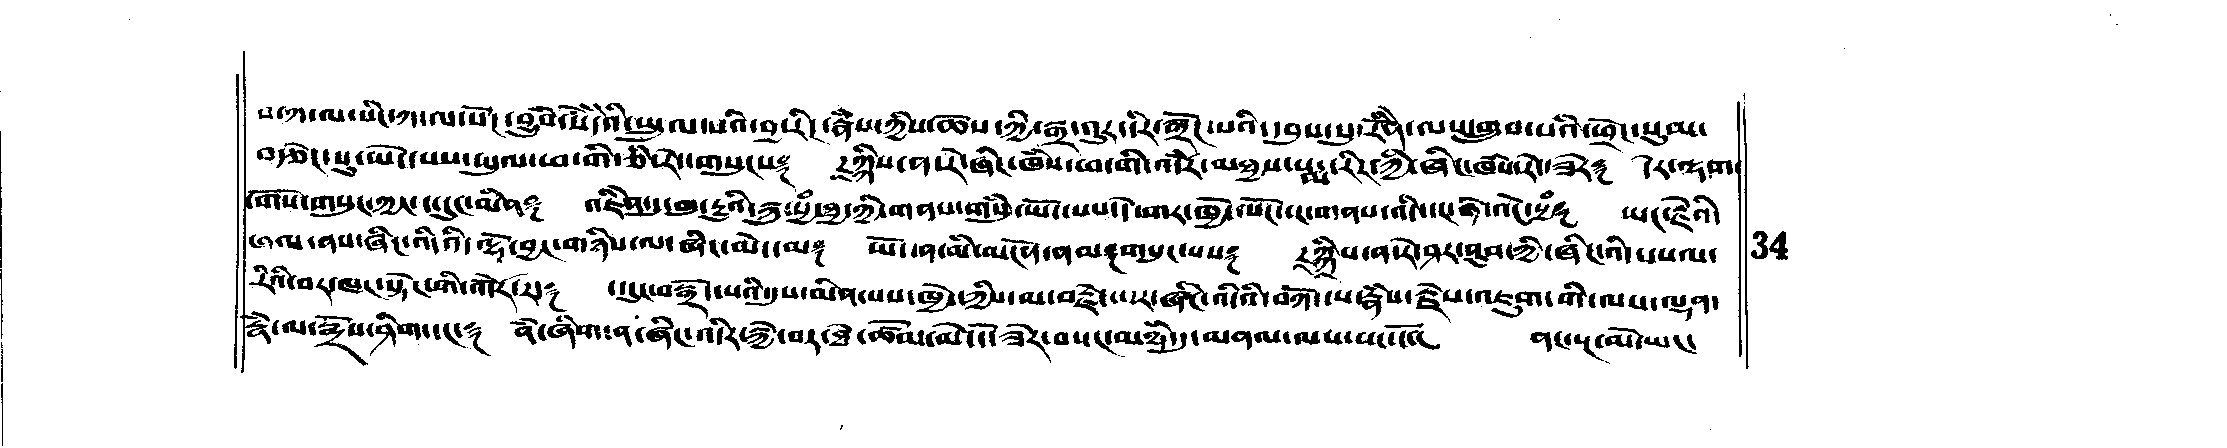བཀ་ལ་པིང་ཀ་ལ་སོགས་བྱང་ཆུབ་སེམས་དཔའི་སྤྲུལ་པའི་བྱ་རིགས་རྣམས་ཀྱིས་ཆོས་ཀྱི་སྒྲ་འུར་དིར་སྒྲོག་པའི་དབུས་སུ་རིན་པོ་ཆེ་ལས་གྲུབ་པའི་ཕོ་བྲང་སུམ་
བརྩེགས་སུ་ཡོད་པས་ཡུལ་ཕ་གི་ཅི་རེད་གསུངས། ཌཱཀྐི་ན་རེ་ཞིང་ཁམས་ཕ་གི་འོད་ཟེར་མཐའ་ཡས་པདྨ་རིགས་ཀྱི་ཞིང་ཁམས་རེད་ཟེར། དེར་ལྷགས་
དགོས་གསུངས་ཀྱང་ད་དུང་མིན། འཇིག་རྟེན་དུ་གུ་རུའི་སྐུ་གསུང་ཐུགས་ཀྱི་གནས་གསུམ་ཡོད་པས་དེ་གར་ཁྱོད་སོང་དང་གནས་འདི་དང་ཉེ་འོང་གསུངས། ཡང་རྗེའི་
ཞལ་ནས་ཞིང་འདིའི་ལྷོ་བྱང་གཉིས་ལ་ཞིང་མེད་དམ། ཡོད་ན་མི་མངོན་ནམ། གསུངས་པས། ཌཱཀྐི་ན་རེ་ཤར་ནུབ་ཀྱི་ཞིང་འདི་དཔལ་
རིའི་བར་ཁང་སྟེང་གི་འོད་ཟེར་རེད། ད་དུང་བགྲོད་པའི་དུས་མིན་པས་ཁྱེད་ཀྱིས་མ་བརྗེད་པར་ཞིང་འདིའི་བཀོད་པ་རྣམས་རྗེས་འཇུག་གི་ལས་ལྡན་
རྣམས་ལ་སྨྲོས་ཤིག་དང་། ནམ་ཞིག་ན་ཞིང་འདིར་སྐྱེ་བར་ཐེ་ཚོམ་མེད་དོ་ཟེར་བ་དང་མཉམ་དུ་མནལ་ལས་སད་དོ། ནང་སྔ་མོ་ཡང་